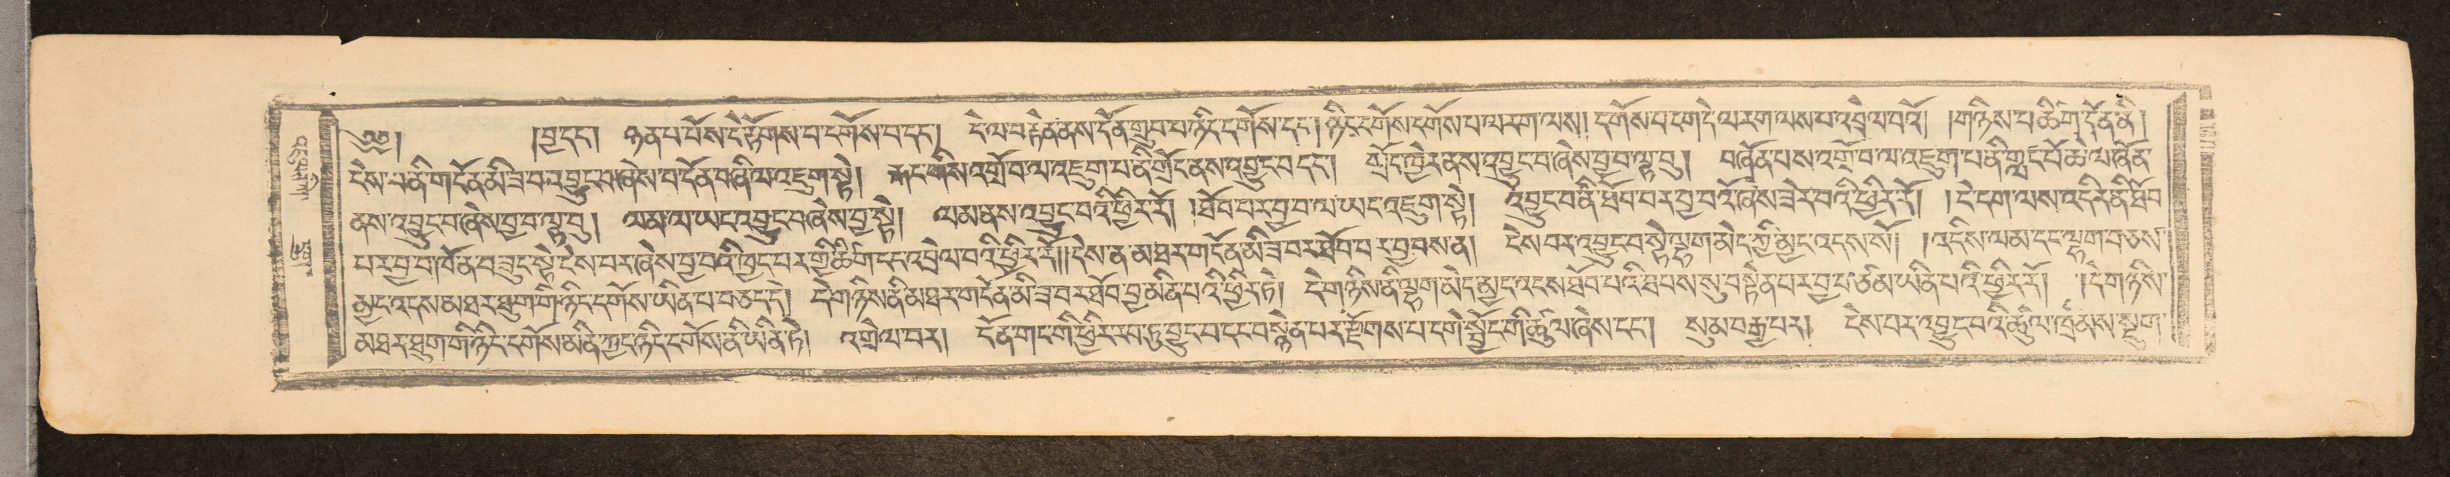༄༅། །བྱ་དང་། ཉན་པ་པོས་དེ་རྟོགས་པ་དགོས་པ་དང་། དེ་ལ་བརྟེན་ནས་དོན་གྲུབ་པ་ཉིང་དགོས་དང་། ཉིང་དགོས་དགོས་པ་ལ་རག་ལས། དགོས་པ་དག་དེ་ལ་རག་ལས་པ་འབྲེལ་བའོ། །གཉིས་པ་ཚིག་དོན་ནི།
ངེས་པ་ནི་གདོན་མི་ཟ་བ་འབྱུང་བ་ཞེས་པ་དོན་བཞི་ལ་འཇུག་སྟེ། རྐང་གིས་འགྲོ་བ་ལ་འཇུག་པ་ནི་གྲོང་ནས་འབྱུང་བ་དང་། གྲོང་ཁྱེར་ནས་འབྱུང་བ་ཞེས་བྱ་བ་ལྟ་བུ། བཞོན་པས་འགྲོ་བ་ལ་འཇུག་བ་ནི་གླང་པོ་ཆེ་ལ་ཞོན་
ནས་འབྱུང་བ་ཞེས་བྱ་བ་ལྟ་བུ། ལམ་ལ་ཡང་འབྱུང་བ་ཞེས་བྱ་སྟེ། ལམ་ནས་འབྱུང་བའི་ཕྱིར་རོ། །ཐོབ་པར་བྱ་བ་ལ་ཡང་འཇུག་སྟེ། འབྱུང་བ་ནི་ཐོབ་པར་བྱ་བའོ་ཞེས་ཟེར་བའི་ཕྱིར་རོ། །དེ་དག་ལས་འདིར་ནི་ཐོབ་
པར་བྱ་བ་ཁོ་ན་བཟུང་སྟེ་ངེས་པར་ཞེས་བྱ་བའི་ཁྱད་པར་གྱི་ཚིག་དང་འབྲེལ་བའི་ཕྱིར་རོ། །དེས་ན་མཐར་གདོན་མི་ཟ་བར་ཐོབ་བར་བྱ་བས་ན། ངེས་པར་འབྱུང་བ་སྟེ་ལྷག་མེད་ཀྱི་མྱང་འདས་སོ། །འདིས་ལམ་དང་ལྷག་བཅས་
མྱང་འདས་མཐར་ཐུག་གི་ཉིད་དགོས་ཡིན་པ་བཅད་དེ། དེ་གཉིས་ནི་མཐར་གདོན་མི་ཟ་བར་ཐོབ་བྱ་མིན་པའི་ཕྱིར་ཏེ། དེ་གཉིས་ནི་ལྷག་མེད་མྱང་འདས་ཐོབ་པའི་ཐབས་སུ་བསྟེན་པར་བྱ་བ་ཙམ་ཡིན་པའི་ཕྱིར་རོ། །དེ་གཉིས་
མཐར་ཐུག་གི་ཉིད་དགོས་མིན་ཀྱང་ཉིང་དགོས་ནི་ཡིན་ཏེ། འགྲེལ་བར། དོན་གང་གི་ཕྱིར་རབ་ཏུ་བྱུང་བ་དང་བསྙེན་པར་རྫོགས་པ་དགེ་སྦྱོང་གི་ཚུལ་ཞེས་དང་། སུམ་བརྒྱ་པར། ངེས་པར་འབྱུང་བའི་ཚུལ་ཁྲིམས་སྡུག་